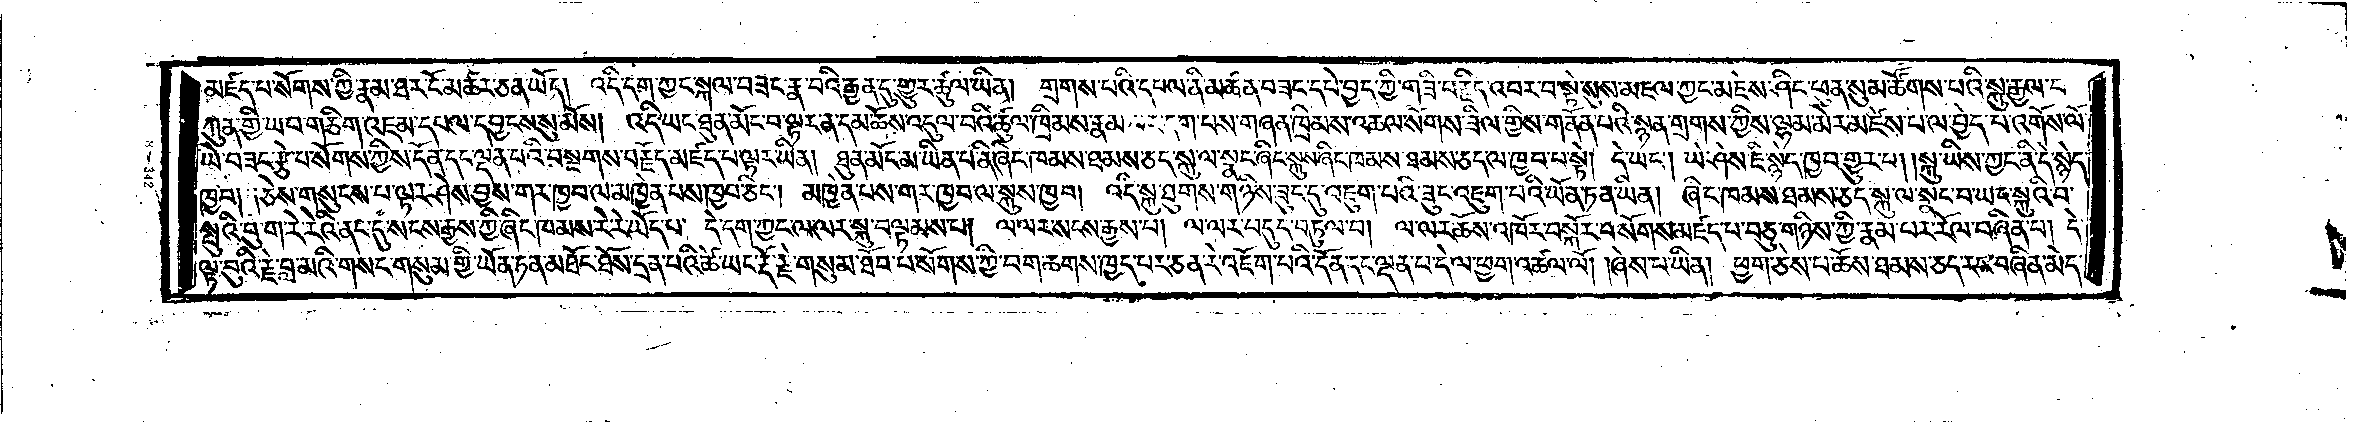མཛད་པ་སོགས་ཀྱི་རྣམ་ཐར་ངོ་མཚར་ཅན་ཡོད། འདི་དག་ཀྱང་སྐལ་བཟང་རྣ་བའི་རྒྱན་དུ་གྱུར་ཚུལ་ཡིན། གྲགས་པའི་དཔལ་ནི་མཚན་བཟང་དཔེ་བྱད་ཀྱི་གཟི་བརྗིད་འབར་བ་སྟེ་སུས་མཇལ་ཀྱང་མཛེས་ཤིང་ཕུན་སུམ་ཚོགས་པའི་སྐུ་རྒྱལ་བ་
ཀུན་གྱི་ཡབ་གཅིག་འཇམ་དཔལ་དབྱངས་སུ་མོས། H འདི་ཡང་ཐུན་མོང་བ་ལྟར་ན་དམ་ཆོས་འདུལ་བའི་ཚུལ་ཁྲིམས་རྣམ་པར་དག་པས་གཞན་ཁྲིམས་འཆལ་སོགས་ཟིལ་གྱིས་གནོན་པའི་སྙན་གྲགས་ཀྱིས་ལྷམ་མེར་མཛེས་པ་ལ་བྱེད་པ་འགོས་ལོ་
ཡེ་བཟང་རྩེ་པ་སོགས་ཀྱིས་དོན་དང་ལྡན་པའི་བསྔགས་བརྗོད་མཛད་པ་ལྟར་ཡིན། ཐུན་མོང་མ་ཡིན་པ་ནི་ཞིང་ཁམས་ཐམས་ཅད་སྐུ་ལ་སྣང་ཞིང་སྐུས་ཞིང་ཁམས་ཐམས་ཅད་ལ་ཁྱབ་པ་སྟེ། དེ་ཡང་། ཡེ་ཤེས་ཇི་སྙེད་ཁྱབ་གྱུར་པ། །སྐུ་ཡིས་ཀྱང་ནི་དེ་སྙེད་
ཁྱབ༑ ༑ཅེས་གསུངས་པ་ལྟར་ཤེས་བྱས་གར་ཁྱབ་ལ་མཁྱེན་པས་ཁྱབ་ཅིང་། མཁྱེན་པས་གར་ཁྱབ་ལ་སྐུས་ཁྱབ། འདི་སྐུ་ཐུགས་གཉིས་ཟུང་དུ་འཇུག་པའི་ཟུང་འཇུག་པའི་ཡོན་ཏན་ཡིན། ཞིང་ཁམས་ཐམས་ཅད་སྐུ་ལ་སྣང་བ་ཡང་སྐུའི་བ་
སྤུའི་བུ་ག་རེ་རེའི་ནང་དུ་སངས་རྒྱས་ཀྱི་ཞིང་ཁམས་རེ་རེ་ཡོད་པ། དེ་དག་ཀྱང་ལ་ལར་སྐུ་བལྟམས་པ། ལ་ལར་སངས་རྒྱས་པ། ལ་ལར་བདུད་བཏུལ་བ། ལ་ལར་ཆོས་འཁོར་བསྐོར་བ་སོགས་མཛད་པ་བཅུ་གཉིས་ཀྱི་རྣམ་པར་རོལ་བཞིན་པ། དེ་
ལྟ་བུའི་རྗེ་བླ་མའི་གསང་གསུམ་གྱི་ཡོན་ཏན་མཐོང་ཐོས་དྲན་པའི་ཚེ་ཡང་རྡོ་རྗེ་གསུམ་ཐོབ་པ་སོགས་ཀྱི་བག་ཆགས་ཁྱད་པར་ཅན་རེ་འཇོག་པའི་དོན་དང་ལྡན་པ་དེ་ལ་ཕྱག་འཚལ་ལོ། །ཞེས་པ་ཡིན། ཕྱག་ཅེས་པ་ཆོས་ཐམས་ཅད་རང་བཞིན་མེད་